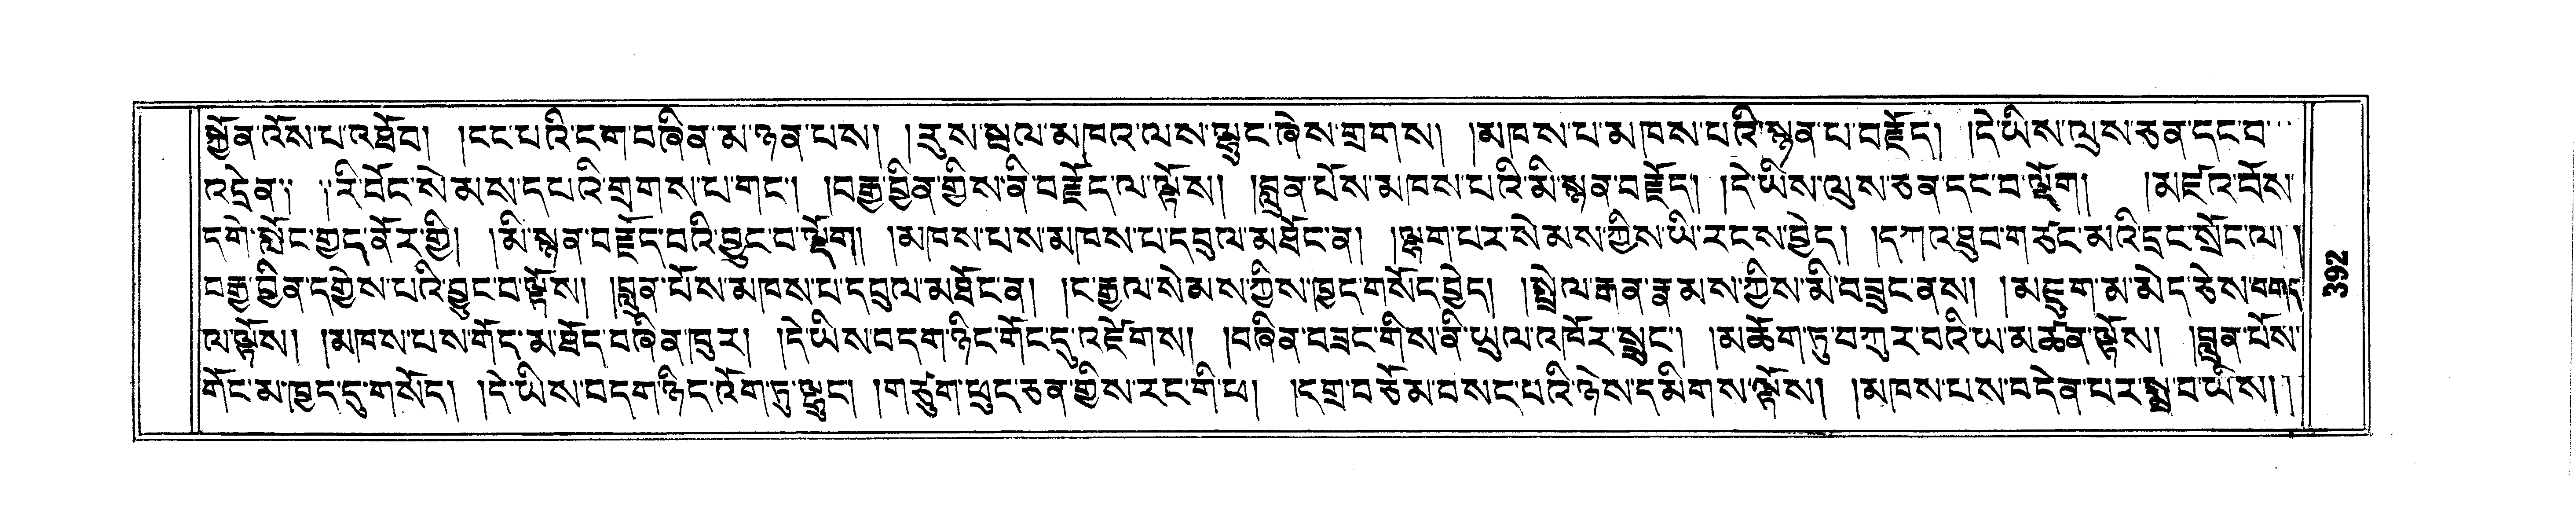སྐྱོན་འོས་པ་འཐོབ། །ངང་པའི་ངག་བཞིན་མ་ཉན་པས། །རུས་སྦལ་མཁའ་ལས་ལྷུང་ཞེས་གྲགས། །མཁས་པ་མཁས་པའི་སྙན་པ་བརྗོད། །དེ་ཡིས་ལུས་ཅན་དང་བ་
འདྲེན༑ ༑རི་བོང་སེམས་དཔའི་གྲགས་པ་གང་། །བརྒྱ་བྱིན་གྱིས་ནི་བརྗོད་ལ་ལྟོས། །བླུན་པོས་མཁས་པའི་མི་སྙན་བརྗོད། །དེ་ཡིས་ལུས་ཅན་དང་བ་ལྡོག། །མཛའ་བོས་
དགེ་སློང་གྱད་ནོར་གྱི། །མི་སྙན་བརྗོད་བའི་བྱུང་བ་ལྡོག། །མཁས་པས་མཁས་པ་དབུལ་མཐོང་ན། །ལྷག་པར་སེམས་ཀྱིས་ཡི་རངས་བྱེད། །དཀའ་ཐུབ་གཙང་མའི་དྲང་སྲོང་ལ།།
བརྒྱ་བྱིན་དགྱེས་པའི་བྱུང་བ་ལྟོས། །བླུན་པོས་མཁས་པ་དབུལ་མཐོང་ན། །ང་རྒྱལ་སེམས་ཀྱིས་ཁྱད་གསོད་བྱེད། །སྦྲེལ་རྒན་རྣམས་ཀྱིས་མི་བཟུང་ནས། །མཇུག་མ་མེད་ཅེས་བཀག་
ལ་ལྟོས། །མཁས་པས་གོང་མ་ཐོད་བཞིན་ཁུར། །དེ་ཡིས་བདག་ཉིད་གོང་དུ་འཛེགས། །བཞིན་བཟང་གིས་ནི་ཡུལ་འཁོར་སྲུང་། །མཆོག་ཏུ་བཀུར་པའི་ཡ་མཚན་ལྟོས། །བླུན་པོས་
གོང་མ་ཁྱད་དུ་གསོད། །དེ་ཡིས་བདག་ཉིད་འོག་ཏུ་ལྷུང་། །གཙུག་ཕུང་ཅན་གྱིས་རང་གི་ཕ། །དགྲ་བཅོམ་བསང་པའི་ཉེས་དམིགས་ལྟོས། །མཁས་པས་བདེན་པར་སྨྲ་བ་ཡིས། །